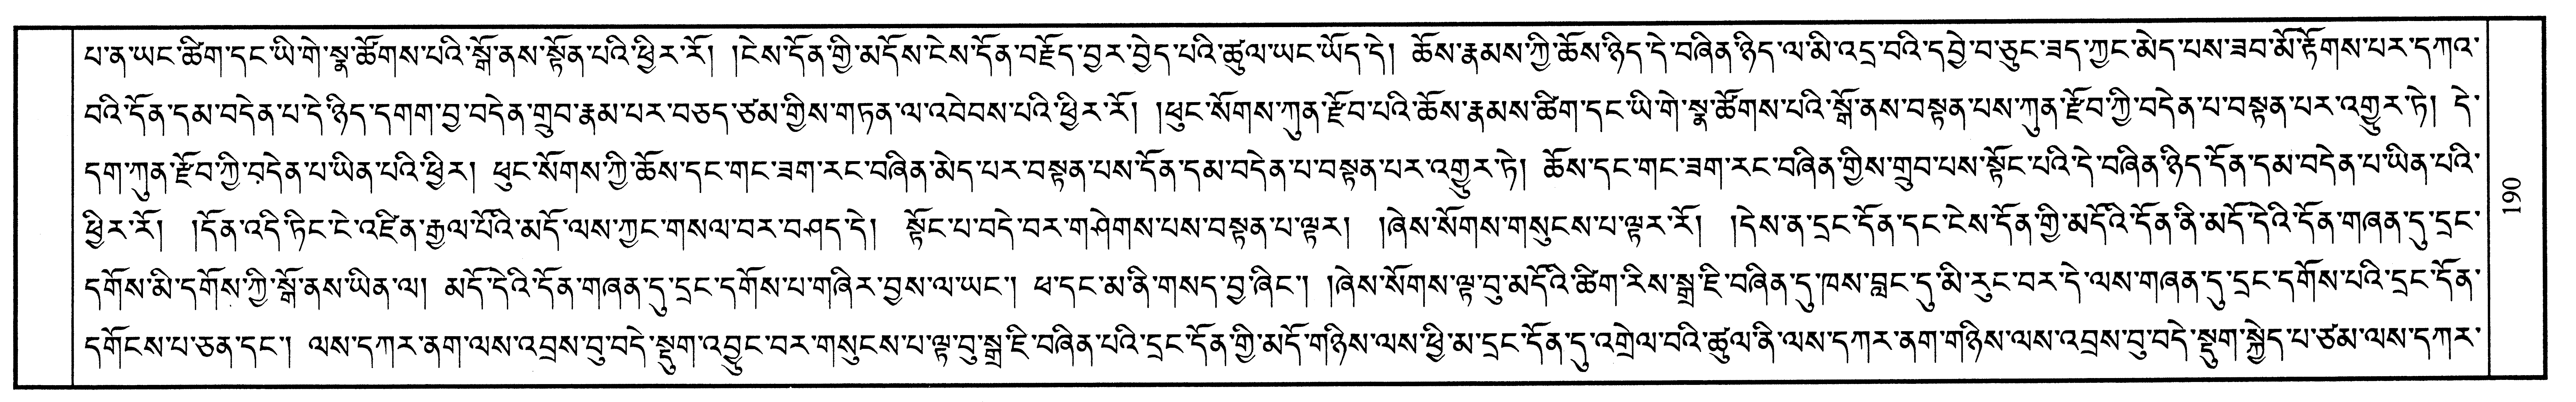པ་ན་ཡང་ཚིག་དང་ཡི་གེ་སྣ་ཚོགས་པའི་སྒོ་ནས་སྟོན་པའི་ཕྱིར་རོ། །ངེས་དོན་གྱི་མདོས་ངེས་དོན་བརྗོད་བྱར་བྱེད་པའི་ཚུལ་ཡང་ཡོད་དེ། ཆོས་རྣམས་ཀྱི་ཆོས་ཉིད་དེ་བཞིན་ཉིད་ལ་མི་འདྲ་བའི་དབྱེ་བ་ཅུང་ཟད་ཀྱང་མེད་པས་ཟབ་མོ་རྟོགས་པར་དཀའ་
བའི་དོན་དམ་བདེན་པ་དེ་ཉིད་དགག་བྱ་བདེན་གྲུབ་རྣམ་པར་བཅད་ཙམ་གྱིས་གཏན་ལ་འབེབས་པའི་ཕྱིར་རོ། །ཕུང་སོགས་ཀུན་རྫོབ་པའི་ཆོས་རྣམས་ཚིག་དང་ཡི་གེ་སྣ་ཚོགས་པའི་སྒོ་ནས་བསྟན་པས་ཀུན་རྫོབ་ཀྱི་བདེན་པ་བསྟན་པར་འགྱུར་ཏེ། དེ་
དག་ཀུན་རྫོབ་ཀྱི་བདེན་པ་ཡིན་པའི་ཕྱིར། ཕུང་སོགས་ཀྱི་ཆོས་དང་གང་ཟག་རང་བཞིན་མེད་པར་བསྟན་པས་དོན་དམ་བདེན་པ་བསྟན་པར་འགྱུར་ཏེ། ཆོས་དང་གང་ཟག་རང་བཞིན་གྱིས་གྲུབ་པས་སྟོང་པའི་དེ་བཞིན་ཉིད་དོན་དམ་བདེན་པ་ཡིན་པའི་
ཕྱིར་རོ། །དོན་འདི་ཏིང་ངེ་འཛིན་རྒྱལ་པོའི་མདོ་ལས་ཀྱང་གསལ་བར་བཤད་དེ། སྟོང་པ་བདེ་བར་གཤེགས་པས་བསྟན་པ་ལྟར། །ཞེས་སོགས་གསུངས་པ་ལྟར་རོ། །དེས་ན་དྲང་དོན་དང་ངེས་དོན་གྱི་མདོའི་དོན་ནི་མདོ་དེའི་དོན་གཞན་དུ་དྲང་
དགོས་མི་དགོས་ཀྱི་སྒོ་ནས་ཡིན་ལ། མདོ་དེའི་དོན་གཞན་དུ་དྲང་དགོས་པ་གཞིར་བྱས་ལ་ཡང་། ཕ་དང་མ་ནི་གསད་བྱ་ཞིང་། །ཞེས་སོགས་ལྟ་བུ་མདོའི་ཚིག་རིས་སྒྲ་ཇི་བཞིན་དུ་ཁས་བླང་དུ་མི་རུང་བར་དེ་ལས་གཞན་དུ་དྲང་དགོས་པའི་དྲང་དོན་
དགོངས་པ་ཅན་དང་། ལས་དཀར་ནག་ལས་འབྲས་བུ་བདེ་སྡུག་འབྱུང་བར་གསུངས་པ་ལྟ་བུ་སྒྲ་ཇི་བཞིན་པའི་དྲང་དོན་གྱི་མདོ་གཉིས་ལས་ཕྱི་མ་དྲང་དོན་དུ་འགྲེལ་བའི་ཚུལ་ནི་ལས་དཀར་ནག་གཉིས་ལས་འབྲས་བུ་བདེ་སྡུག་སྐྱེད་པ་ཙམ་ལས་དཀར་